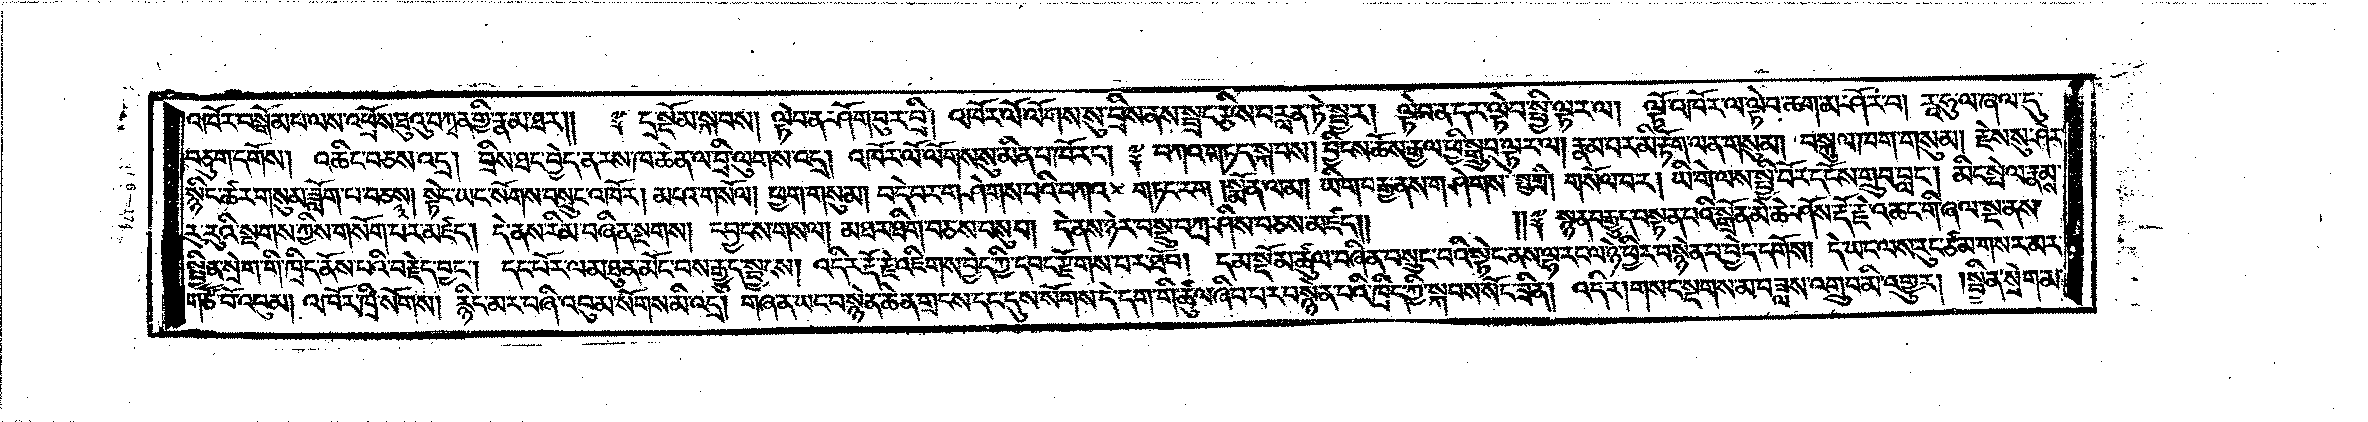འཁོར་བསྒོམ་པ་ལས་འཕྲོས་ཐུའུ་བཀྭན་གྱི་རྣམ་ཐར།། ༈ དྲ་སྡོམ་སྐབས། ལྟེབ་ན་ཤོག་བུར་བྲི། འཁོར་ལོ་ལོགས་སུ་བྲིས་ནས་སྦྲང་རྩིས་བརླན་ཏེ་སྦྱར། ལྟེབ་ན་དར་ལྟེབ་སྤྱི་ལྟར་ལ། ལྟོ་འཁོར་ལ་ལྟེབ་ཆག་མ་ཤོར་བ། རཱ་ཧུ་ལ་ཞལ་དུ་
བཅུག་དགོས། འཆིང་བཅས་འདྲ། བྲིས་ཐང་བྱེད་ན་རས་ཁ་ཆེན་ལ་བྲི་ལུགས་འདྲ། འཁོར་ལོ་ལོགས་སུ་མིན་པ་ཁོ་རང་། ༈ བཀའ་གཏད་སྐབས། བྱིངས་ཆོས་རྒྱལ་ཕྱི་སྒྲུབ་ལྟར་ལ། རྣམ་བར་མི་རྟོག་ལན་གསུམ། བསྐུལ་ཁག་གསུམ། རྗེས་སུ་ཤེར་
སྙིང་ཚར་གསུམ་ཟློག་པ་བཅས། སྟེང་ཡང་སོགས་བསྲུང་འཁོར། མངའ་གསོལ། ཕྱག་གསུམ། བདེ་བར་གཤེགས་པའི་བཀའ་྾་གཏང་རག །སྨོན་ལམ། ཡིག་བརྒྱ་ནས་གཤེགས་སྤུ་གྲི༑?  གསོལ་བར། ཡི་གེ་ལས་སྤྱི་བོར་དངོས་གྲུབ་བླང་། མིང་སྤེལ་རྣམས་
རུ་རུའི་སྔགས་ཀྱིས་གསོག་པར་མཛད། དེ་ནས་རིམ་བཞིན་སྔགས། དབྱངས་གསལ། མཐར་ཐིག་བཅས་བསུབ། དེ་ནས་ཉེར་བསྡུ་བཀྲ་ཤིས་བཅས་མཛད།། །། ༈ སྙན་བརྒྱུད་བསྟན་པའི་སྒྲོན་མེ་ཆེ་ཤོས་རྡོ་རྗེ་འཆང་གི་ཞལ་སྔ་ནས་
སྤྱིན་སྲེག་གི་ཁྲིད་ནོས་པའི་བརྗེད་བྱང་། དང་པོར་ལམ་ཐུན་མོང་བས་རྒྱུད་སྦྱངས། འདིར་རྡོ་རྗེ་འཇིགས་བྱེད་ཀྱི་དབང་རྫོགས་པར་ཐོབ། དམ་སྡོམ་ཚུལ་བཞིན་བསྲུང་བའི་སྟེང་ནས་ལྷ་རང་ལ་ཉེ་ཕྱིར་བསྙེན་པ་བྱེད་དགོས། དེ་ཡང་ལས་རུང་ཙམ་གསར་མར་
གཙོ་བོ་འབུམ། འཁོར་ཁྲི་སོགས། རྙིང་མར་བཞི་འབུམ་སོགས་མི་འདྲ། གཞན་ཡང་བསྙེན་ཆེན་གྲངས་དང་དུས་སོགས་དེ་དག་གི་ཚུལ་ཞིབ་པར་བསྙེན་པའི་ཁྲིད་ཀྱི་སྐབས་སོང་ཟིན། འདིར། གསང་སྔགས་མ་བཟླས་འགྲུབ་མི་འགྱུར། །སྦྱིན་སྲེག་མ་